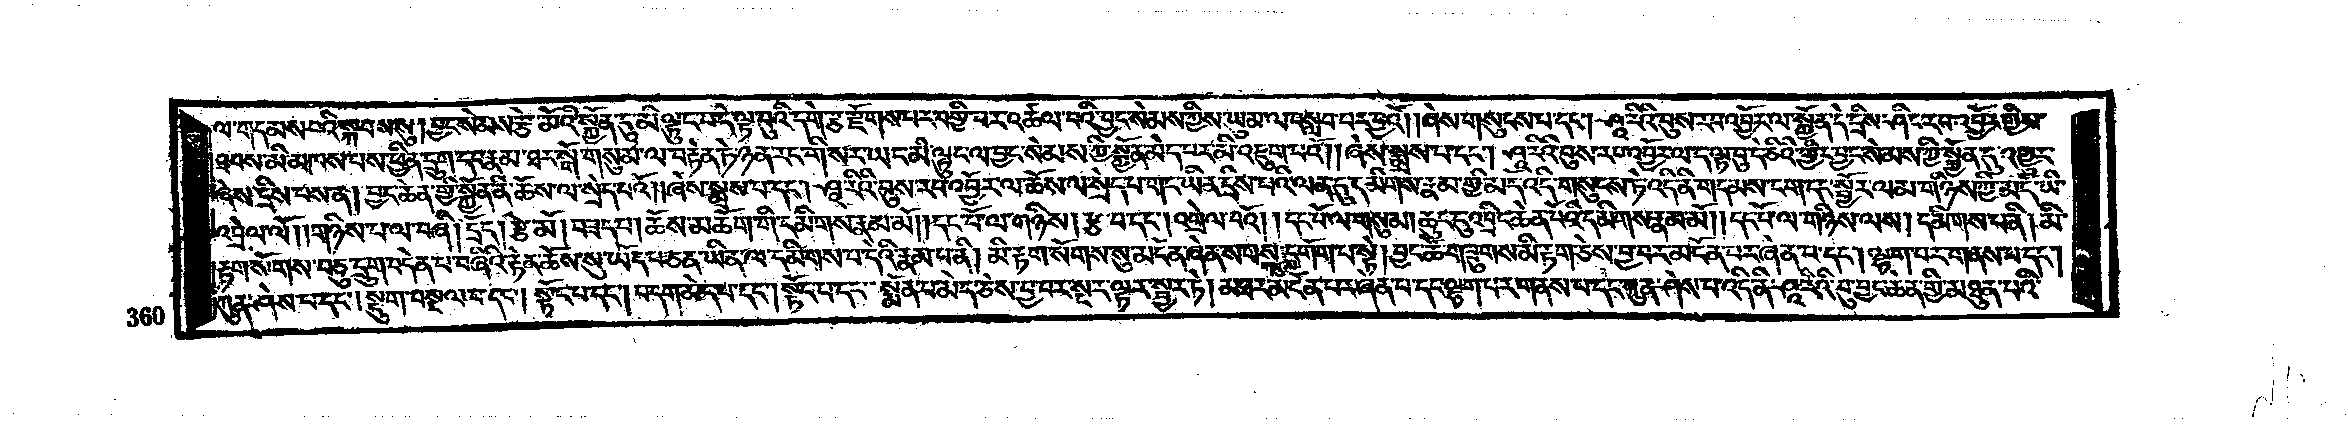ལ་གདམས་པའི་སྐབས་སུ། བྱང་སེམས་རྩེ་མོའི་སྐྱོན་དུ་མི་ལྟུང་བ་དེ་ལྟ་བུའི་དགེ་རྩ་རྫོགས་པར་བགྱི་བར་འཚལ་བའི་བྱང་སེམས་ཀྱིས་ཡུམ་ལ་བསླབ་པར་བྱའོ། །ཞེས་གསུངས་པ་དང་། ཤཱ་རིའི་བུས་རབ་འབྱོར་ལ་སྐྱོན་དེ་དྲིས་ཤིང་རབ་འབྱོར་གྱིས་
ཐབས་མི་མཁས་པས་ཕྱིན་དྲུག་དང་རྣམ་ཐར་སྒོ་གསུམ་ལ་བརྟེན་ཏེ་ཉན་རང་གི་སར་ཡང་མི་ལྟུང་ལ་བྱང་སེམས་ཀྱི་སྐྱོན་མེད་པར་མི་འཇུག་པའོ། །ཞེས་སྨྲས་པ་དང་། ཤཱ་རིའི་བུས་རབ་འབྱོར་ལ་ད་ལྟ་བུ་དེ་ཅིའི་ཕྱིར་བྱང་སེམས་ཀྱི་སྐྱོན་དུ་འགྱུར་
ཞེས་དྲིས་པས་ན། བྱང་ཆེན་གྱི་སྐྱོན་ནི་ཆོས་ལ་སྲེད་པའོ། །ཞེས་སྨྲས་པ་དང་། ཤཱ་རིའི་བུས་རབ་འབྱོར་ལ་ཆོས་ལ་སྲེད་པ་གང་ཡིན་དྲིས་པའི་ལན་དུ་དམིགས་རྣམ་གྱི་མདོ་འདི་གསུངས་ཏེ་འདི་ནི་གདམས་ངག་དང་སྦྱོར་ལམ་གཉིས་ཀྱི་མདོ་ཡི་
འབྲེལ་ལོ། །གཉིས་པ་ལ་བཞི། དྲོད། རྩེ་མོ། བཟོད་པ། ཆོས་མཆོག་གི་དམིགས་རྣམ་མོ། །དང་པོ་ལ་གཉིས། རྩ་བ་དང་། འགྲེལ་བའོ། །དང་པོ་ལ་གསུམ། ཆུང་ངུ་འབྲིང་ཆེན་པོའི་དམིགས་རྣམ་མོ། །དང་པོ་ལ་གཉིས་ལས། དམིགས་པ་ནི། མི་
རྟག་སོགས་བཅུ་དྲུག་བདེན་པ་བཞིའི་རྟེན་ཆོས་སུ་ཡོད་པ་ཅན་ཡིན་ལ་དམིགས་པ་དེའི་རྣམ་པ་ནི། མི་རྟག་སོགས་སུ་མངོན་ཞེན་སོགས་གསུམ་དགོག་པ་སྟེ། བྱང་ཚེ་གཟུགས་མི་རྟག་ཅེས་བྱ་བར་མངོན་པར་ཞེན་པ་དང་། ལྷག་པར་གནས་པ་དང་།
ཀུན་ཤེས་པ་དང་། སྡུག་བསྔལ་བ་དང་། སྟོང་པ་དང་། བདག་མེད་པ་དང་། སྟོང་པ་དང་། སྨོན་པ་མེད་ཅེས་བྱ་བར་སྔར་ལྟར་སྦྱར་ཏེ། མཐར་མངོན་པ་ཞེན་པ་དང་ལྷག་པར་གནས་པ་དང་ཀུན་ཤེས་པ་འདི་ནི་ཤཱ་རིའི་བུ་བྱང་ཆེན་གྱི་མཐུན་པའི་